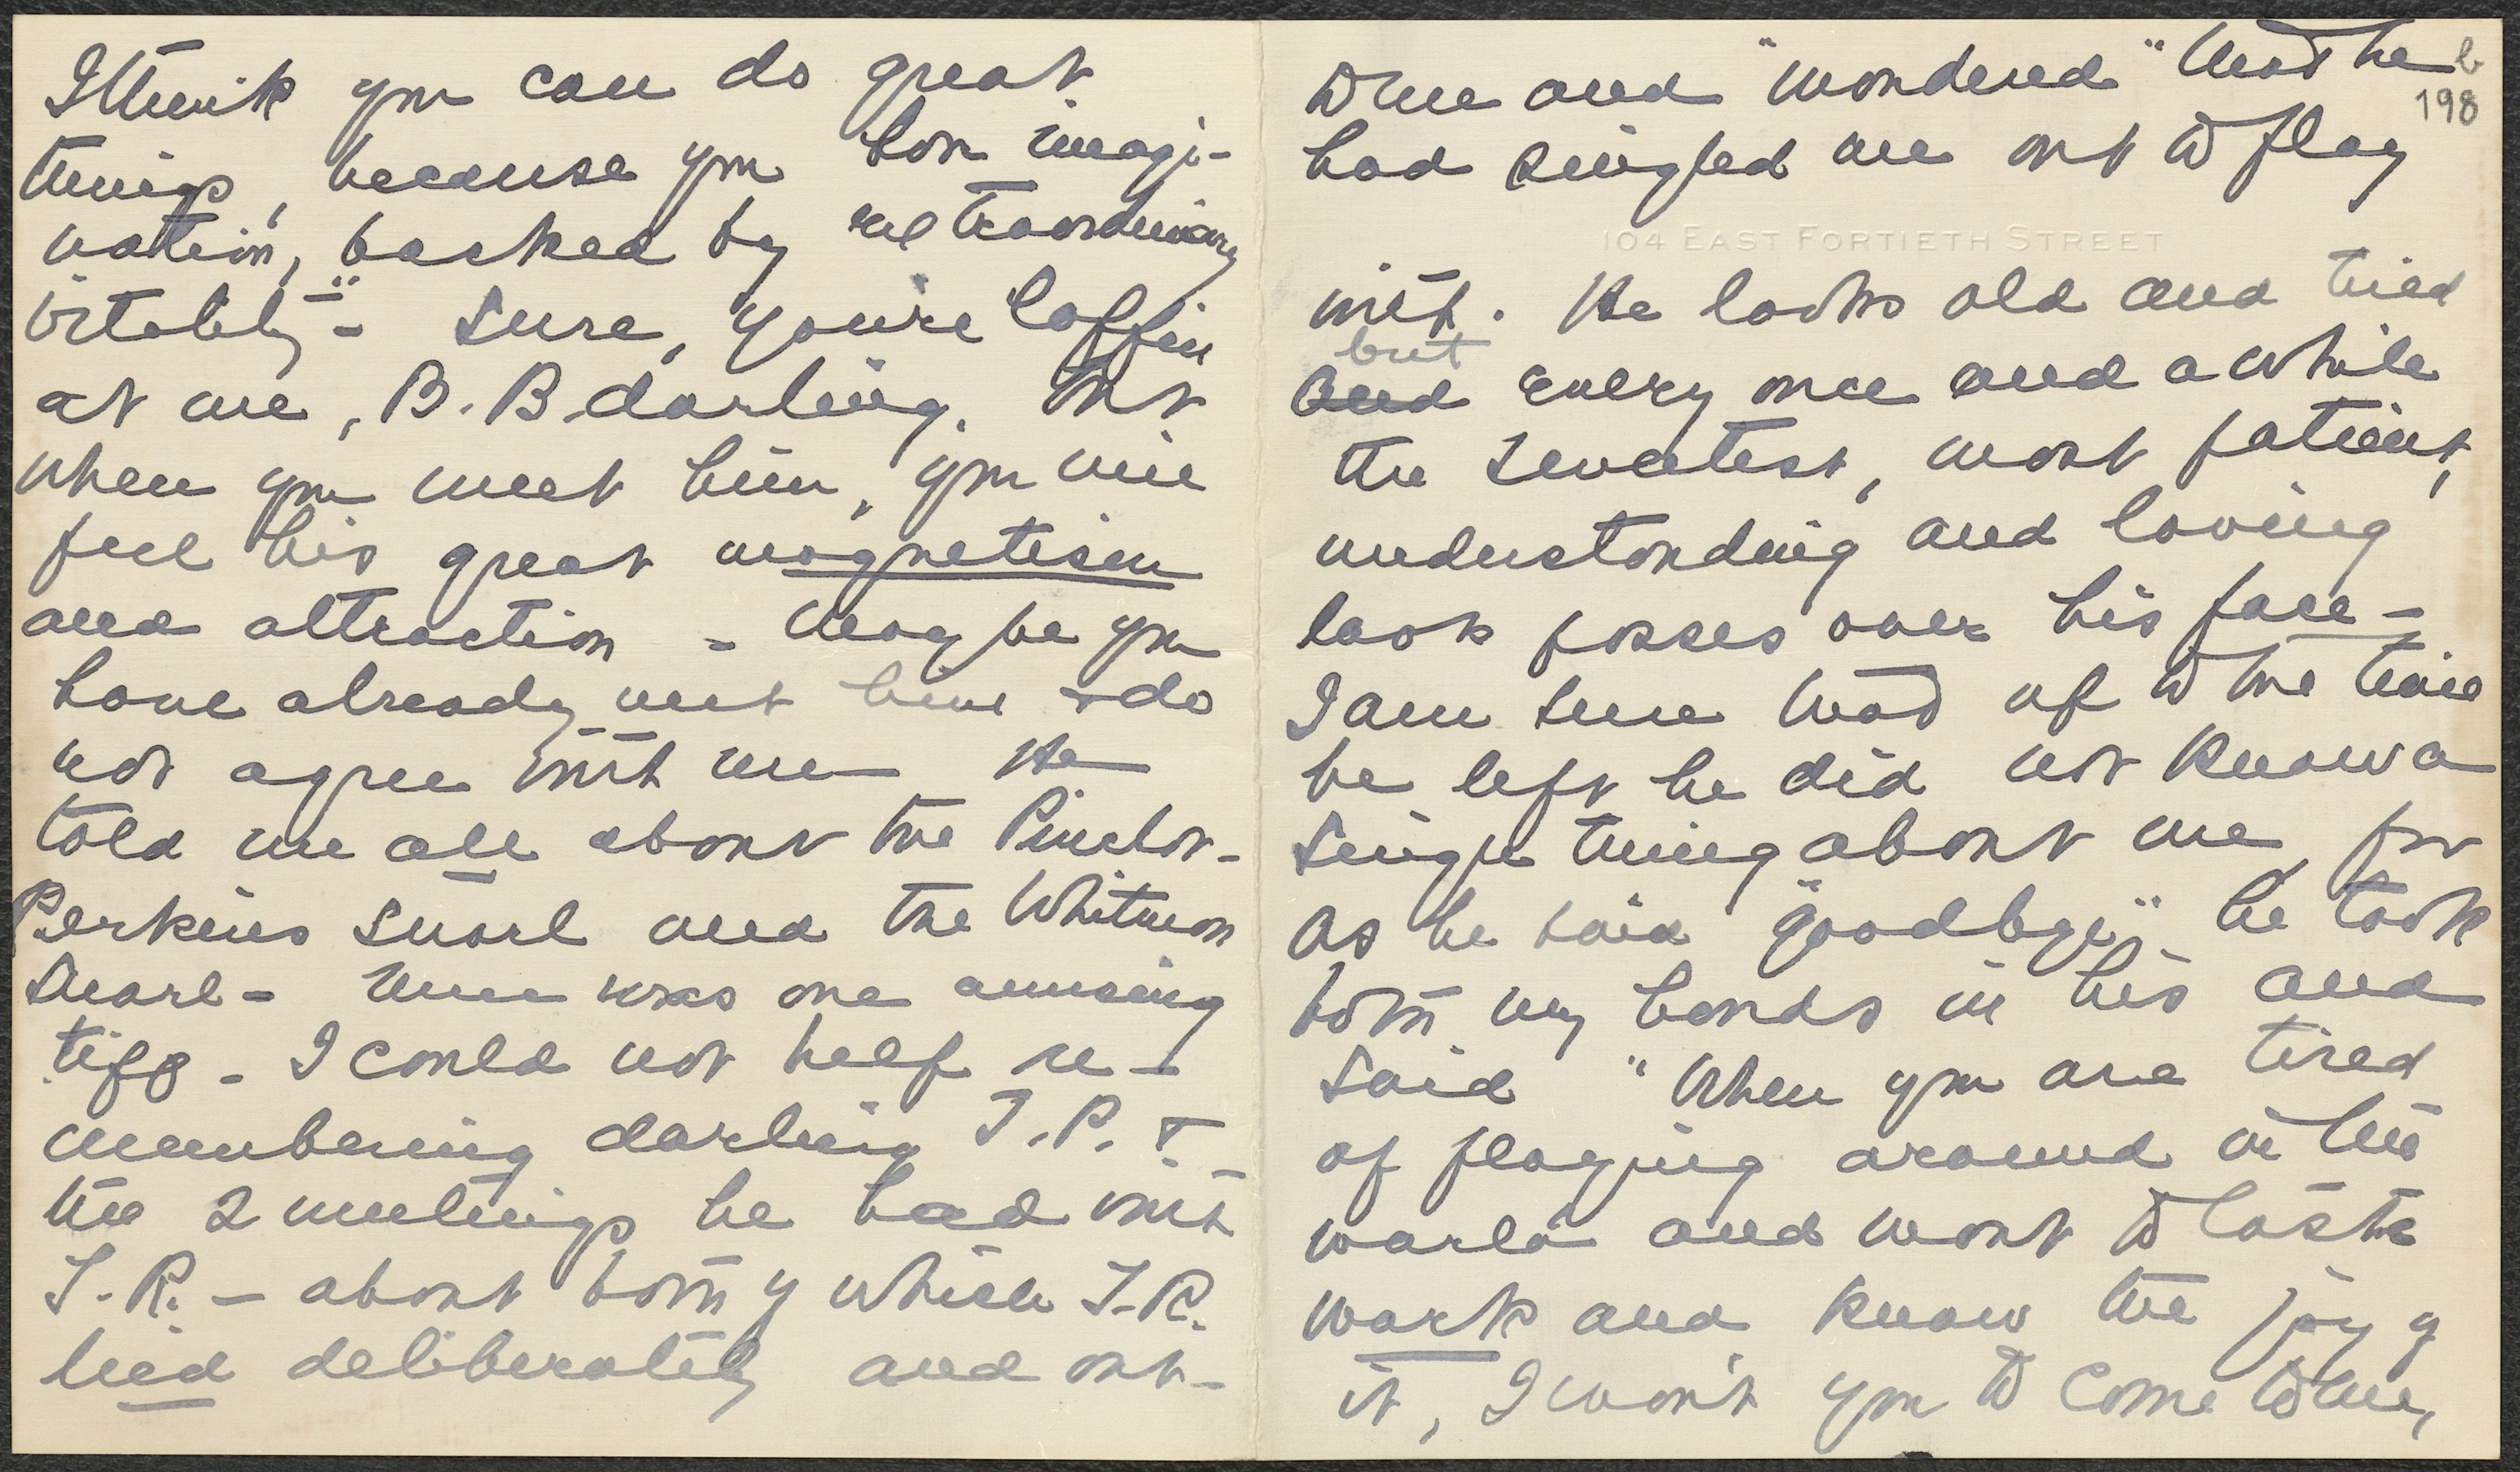to me and “wondered” that he had singled me out to play with. He looks old and tired and [^but^] every once and a while the sweetest, most patient, understanding and loving look passes over his face – I am sure that up to the time he left he did not know a single thing about me for as he said “goodbye” he took both my hands in his and said “When you are tired of playing around in the world and want to taste work and know the joy of it, I won't [sic] you to come to me,
I think you can do great things, because you have imagination, backed by extraordinary vitality” – Sure, you’re laffin at me, B.B. darling, but when you meet him, you will feel his great magnetism and attraction – May be you have already met him & do not agree with me – He told me all about the Pinchot-Perkins snarl and the Whitman snarl – There was one amusing tiff – I could not help remembering darling J.P. & the 2 meetings he had with T.R. – about both of which T.R. lied deliberately and